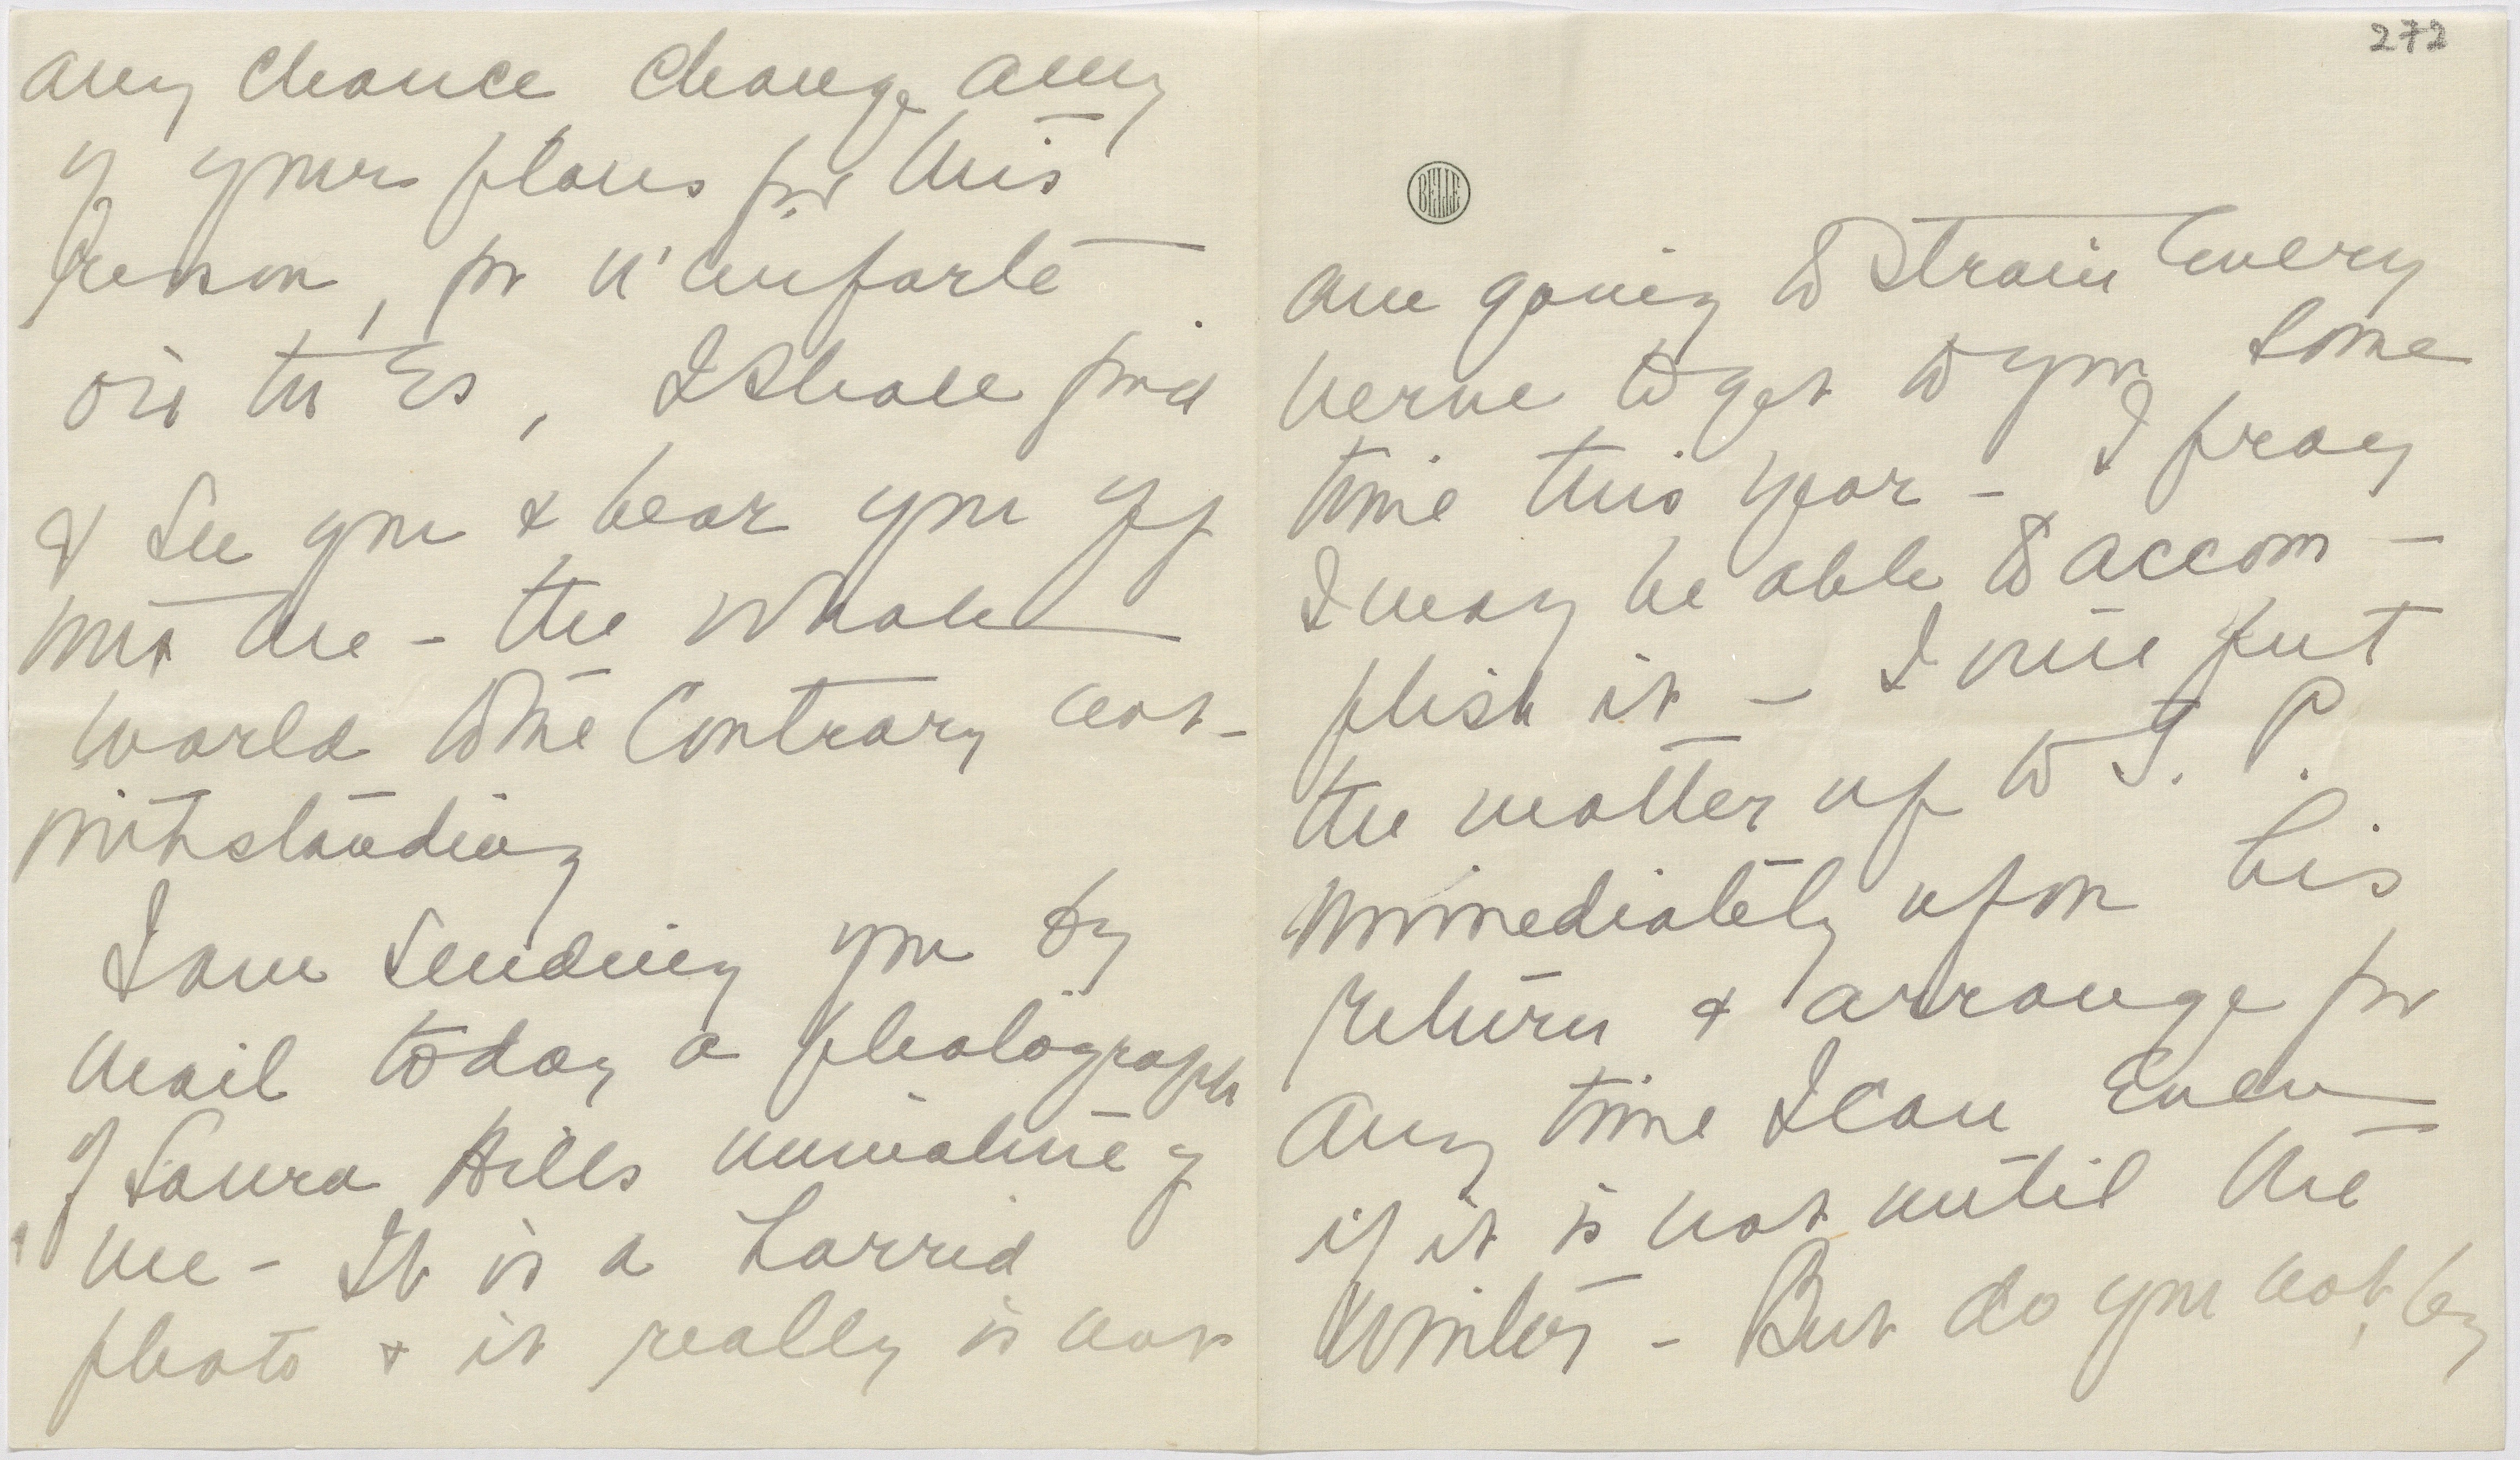am going to strain every nerve to get to you some time this year – I pray I may be able to accomplish it – I will put the matter up to J. P. immediately upon his return & arrange for any time I can even if it is not until the winter – But do you not by
any chance change any of your plans for this reason, for n’importe où tu es, I shall find & see you & bear you off with me – the whole world to the contrary not-withstanding
I am sending you by mail today a photograph of Laura Hills miniature of me – It is a horrid photo & it really is not